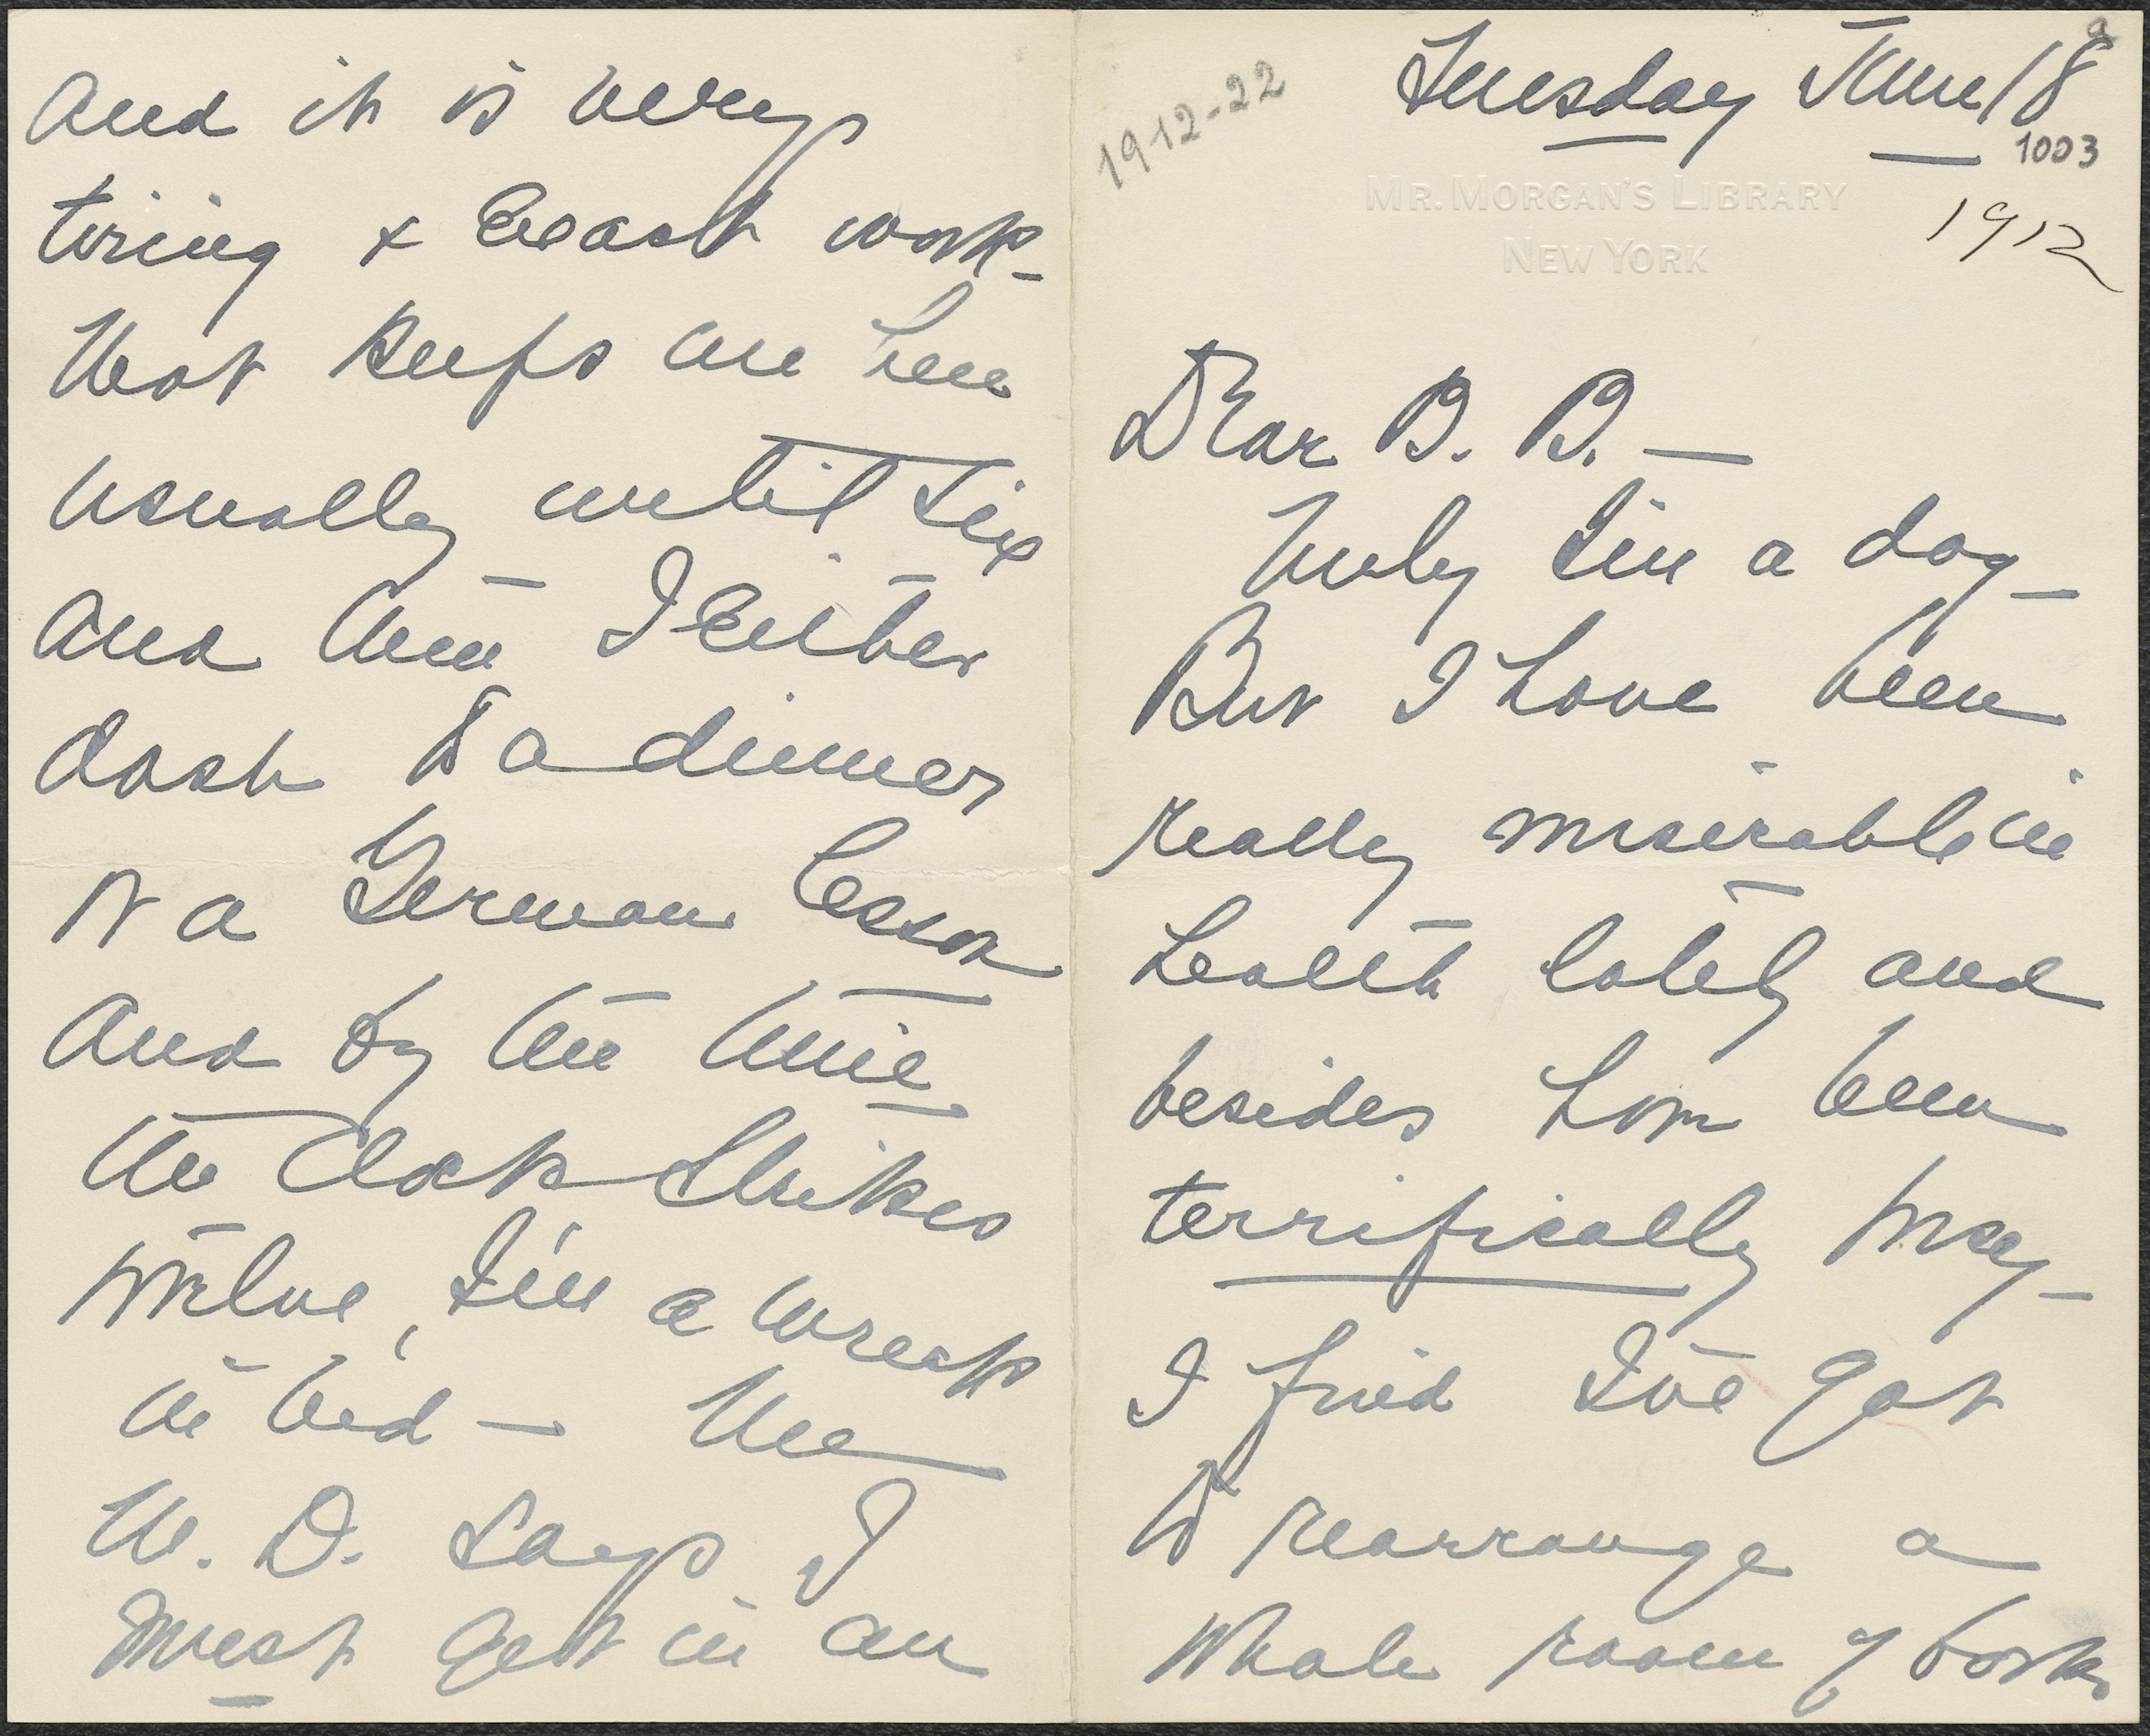Tuesday June 18
Dear B. B. –
Truly I’m a dog – But I have been really miserable in health lately and besides have been terrifically busy – I find I’ve got to rearrange a whole room of books
and it is very tiring & exact work – That keeps me here usually until six and then I either dash to a dinner or a German lesson and by the time the clock strikes twelve, I’m a wreck in bed – The M.D. says I must get in an